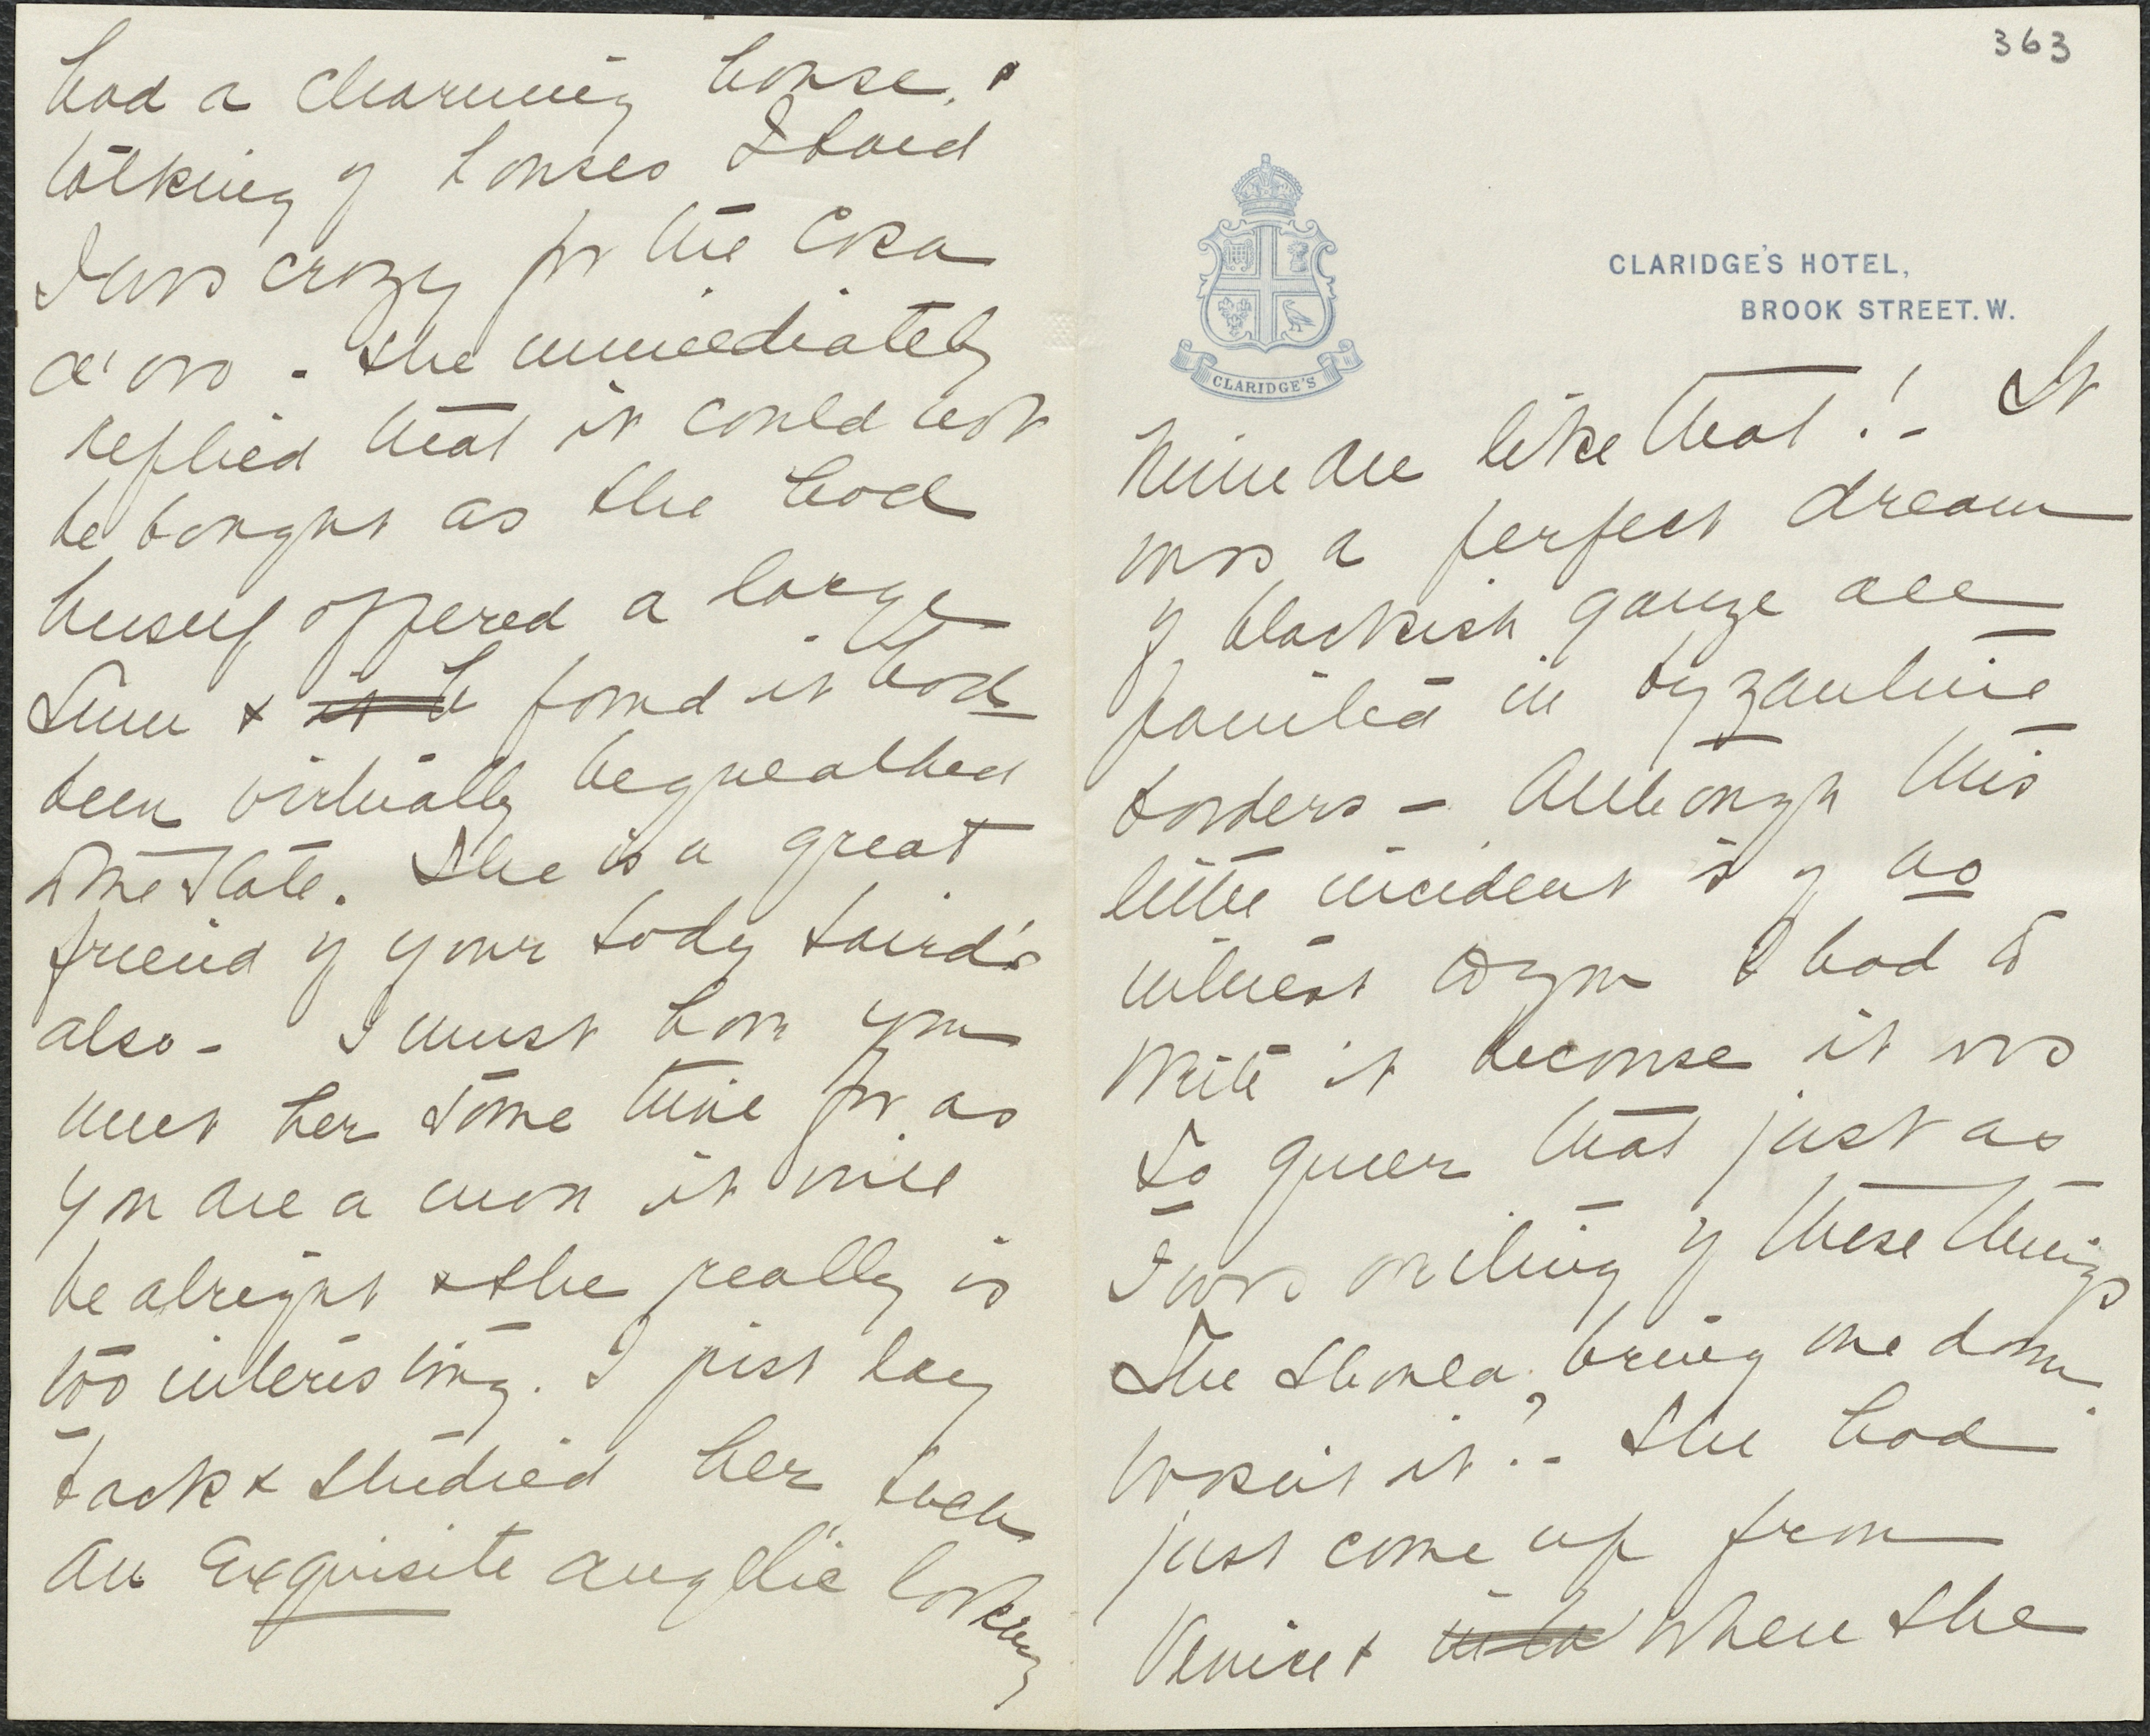mine are like that! – It was a perfect dream of blackish gauze all painted in byzantine borders – although this little incident is of no interest to you I had to write it because it was so queer that just as I was writing of these things she should bring one down. Wasn’t it? – She had just come up from Venice & in ba where she
had a charming house. talking of houses I said I was crazy for the casa d’oro – she immediately replied that it could not be bought as she had herself offered a large sum & it b found it had been virtually bequeathed to the state. She is a great friend of your Lady Laird’s also – I must have you meet her some time for as you are a man it will be alright & she really is too interesting. I just lay back & studied her such an exquisite angelic looking